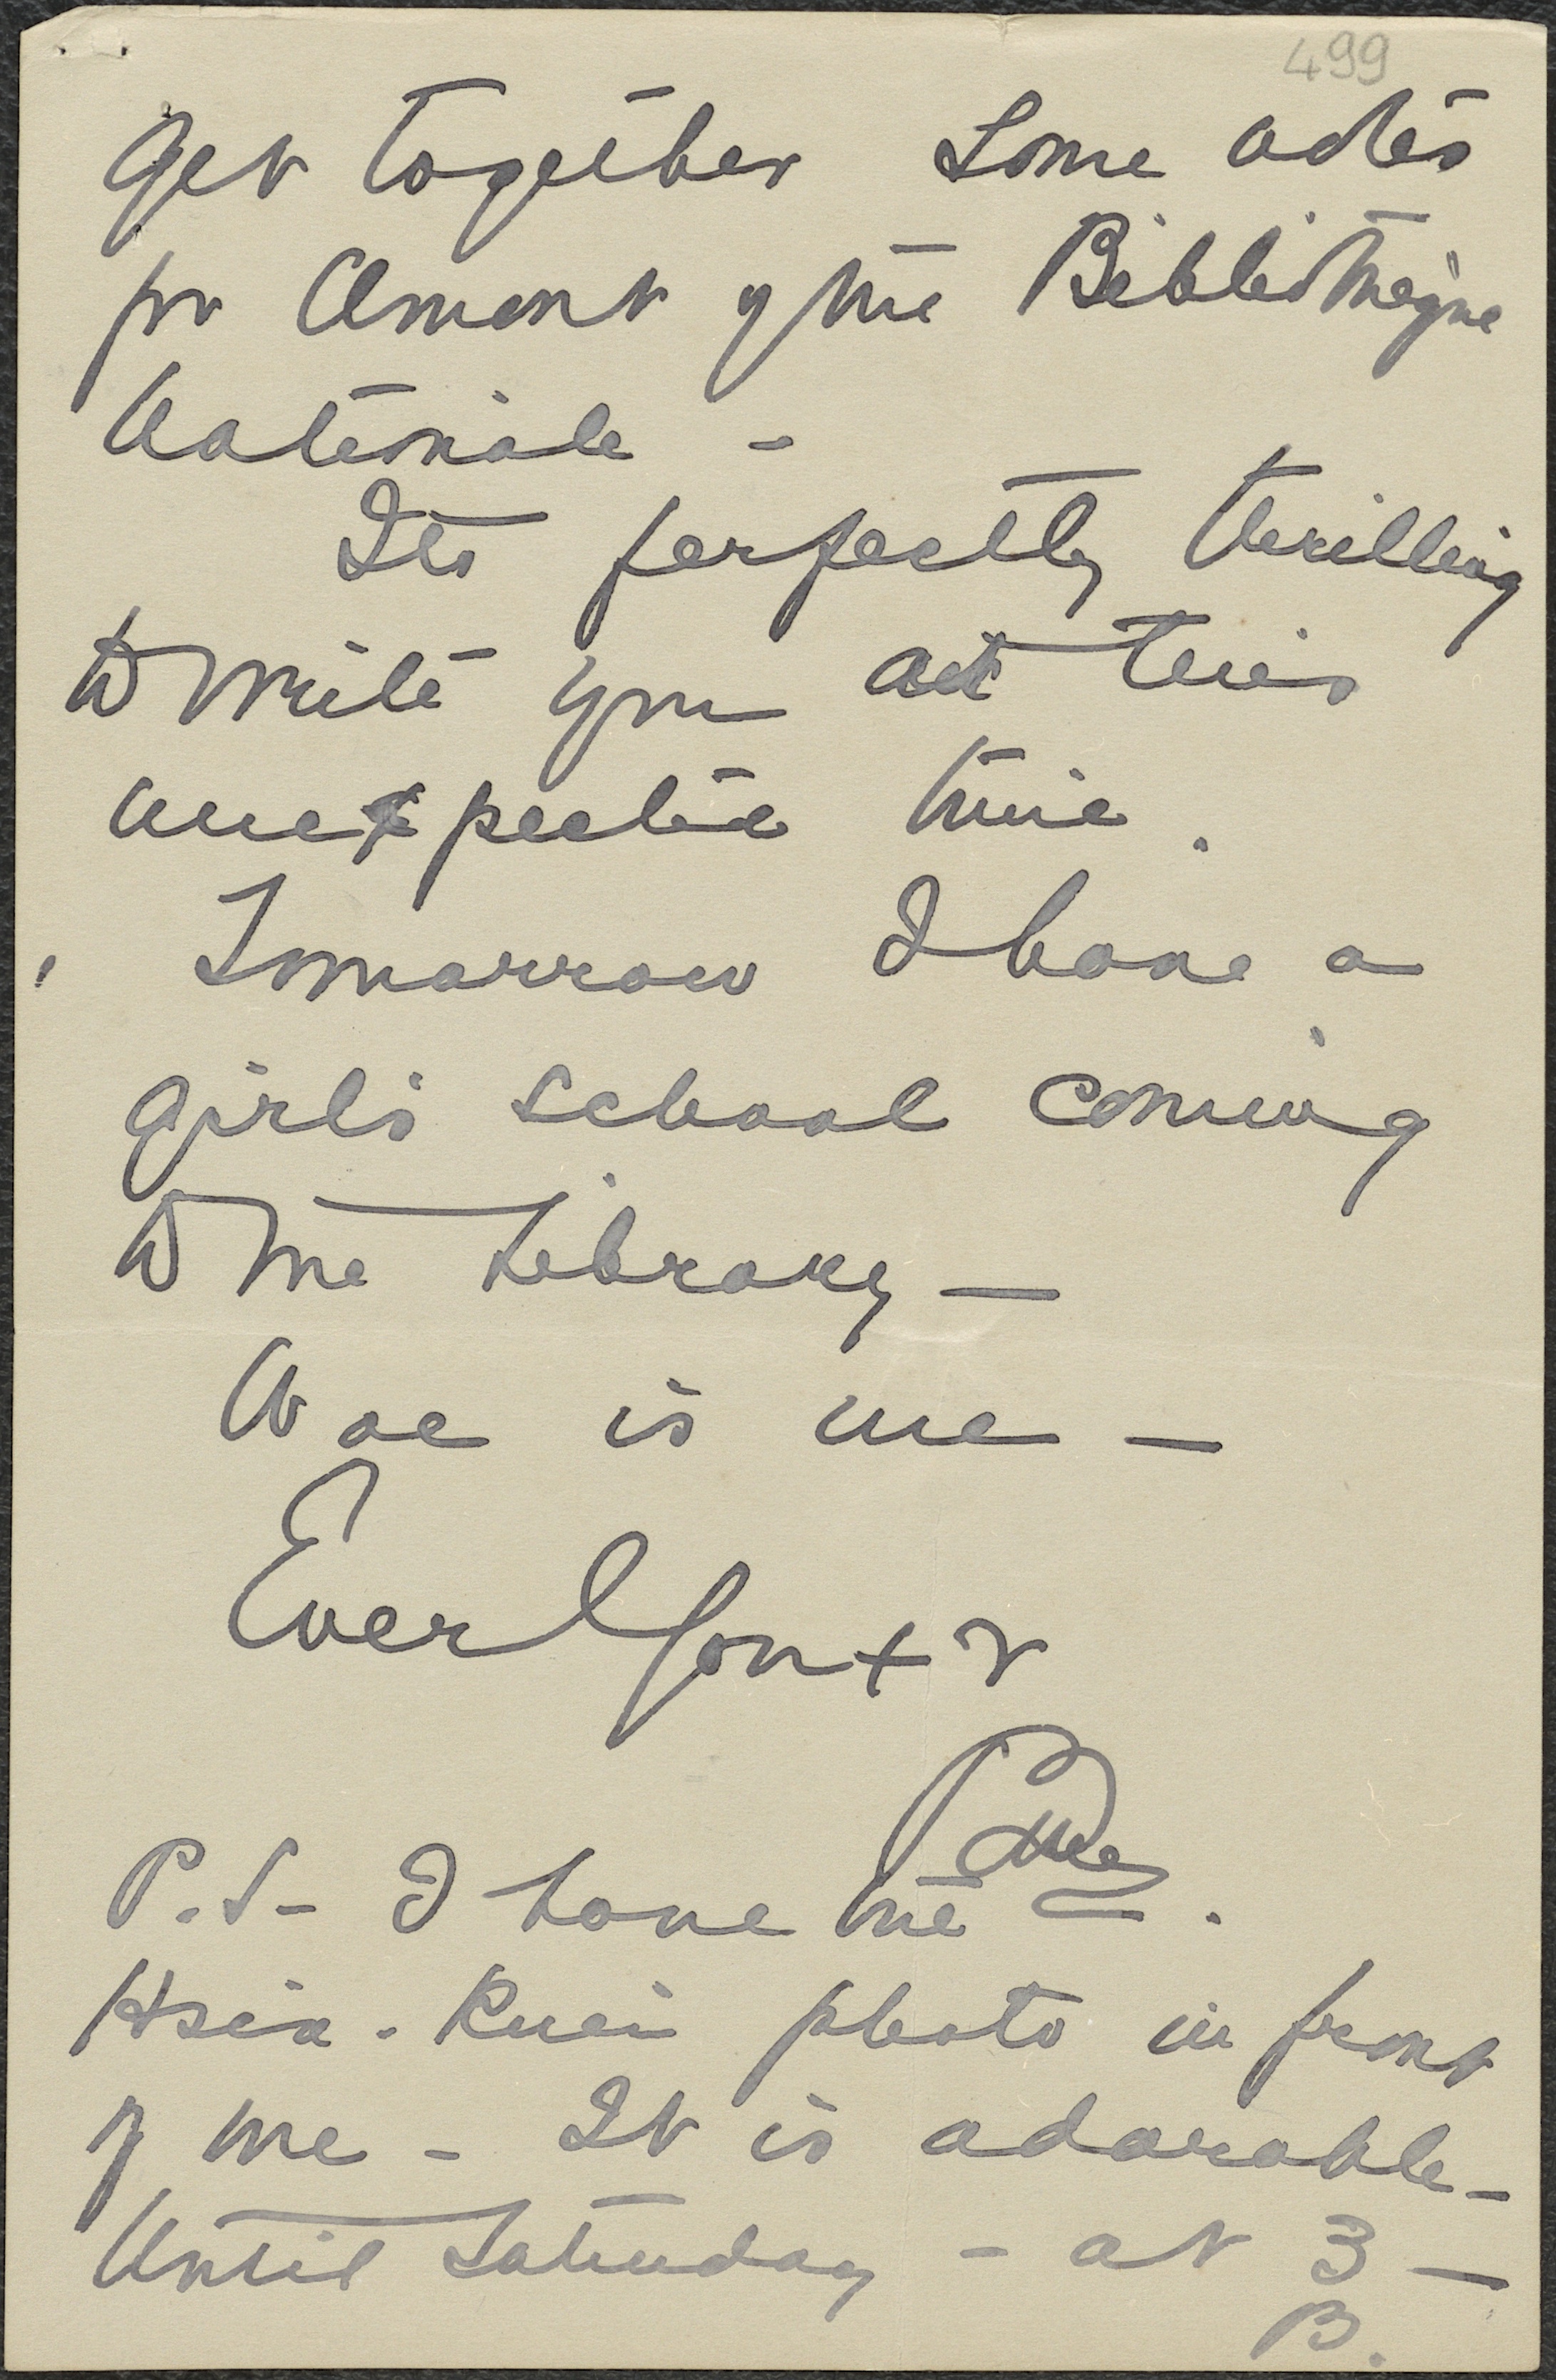get together some notes for Ament of the Bibliotheque Nationale – Its perfectly thrilling to write you at this unexpected time. Tomorrow I have a girl’s school coming to the Library – Woe is me – Ever You + r Belle
P.S. I have the Hsia-Kuei photo in front of me – It is adorable – Until Saturday – at 3 – B.